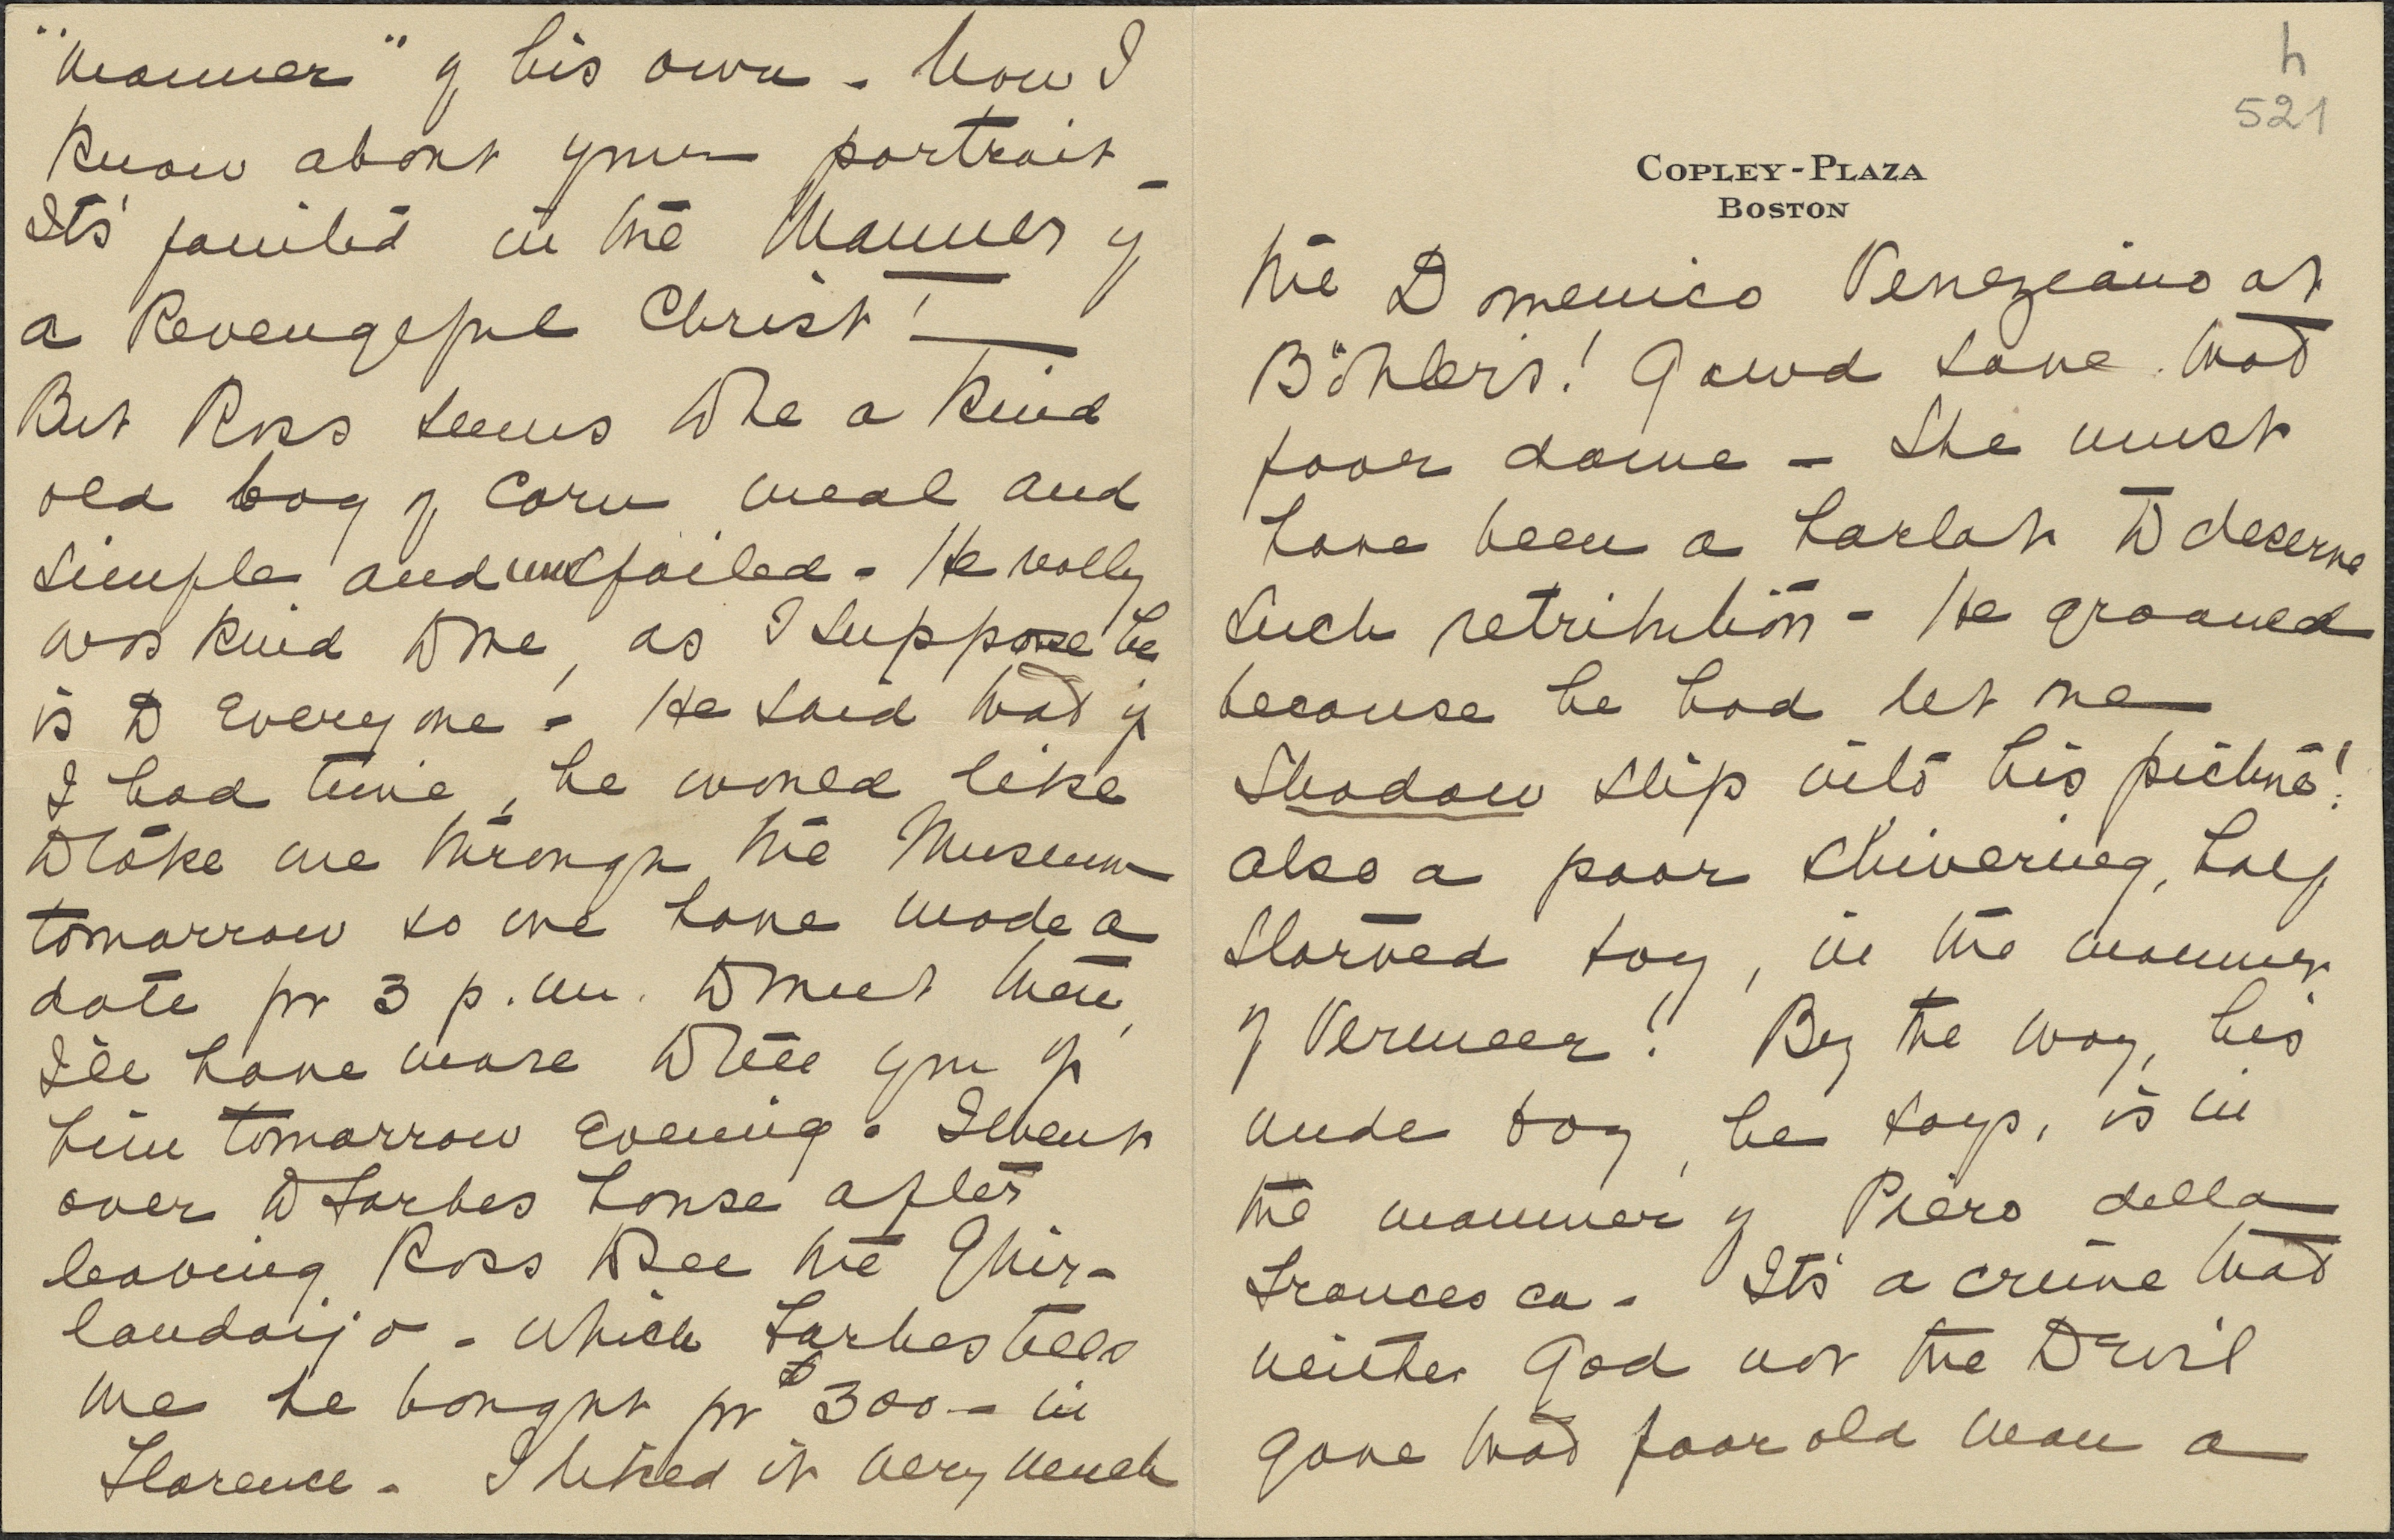the Domenico Veneziano at Bohler’s! Gawd save that poor dame – She must have been a harlot to deserve such retribution – He groaned because he had let one shadow slip into his picture! also a poor shivering, half starved boy, in the manner of Vermeer! By the way, his nude boy, he says, is in the manner of Piero della Francesca – It’s a crime that neither God nor the Devil gave that poor old man
“manner” of his own – Now I know about your portrait – It’s painted in the manner of a Revengeful Christ! —
But Ross seems to be a kind old boy of corn meal and simple and unspoiled – He really was kind to me, as I suppose he is to everyone – He said that if I had time, he would like to take me through the Museum tomorrow so we have made a date for 3 p.m. to meet there, I’ll have more to tell you of him tomorrow evening. I went over to Forbes house after leaving Ross to see the Ghirlandaijo [sic] – which Forbes tells me he bought for £300 – in Florence – I liked it very much